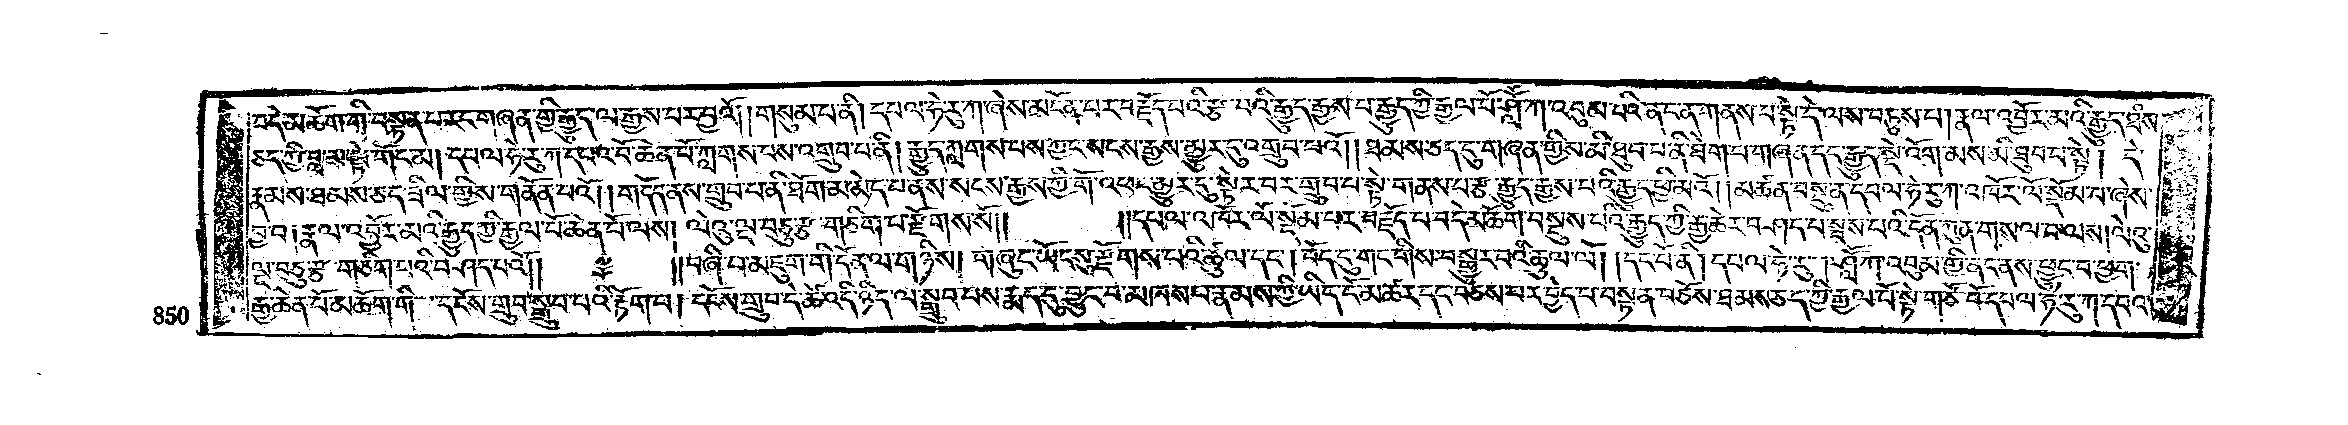བདེ་མཆོག་གི་བསྟན་པ་རང་གཞན་གྱི་རྒྱུད་ལ་རྒྱས་པར་བྱའོ། །གསུམ་པ་ནི། དཔལ་ཧེ་རུ་ཀ་ཞེས་མངོན་པར་བརྗོད་པའི་རྩ་བའི་རྒྱུད་རྒྱས་པ་རྒྱུད་ཀྱི་རྒྱལ་པོ་ཤླཽ་ཀ་འབུམ་པའི་ནང་ན་གནས་པ་སྟེ་དེ་ལས་བཏུས་པ། རྣལ་འབྱོར་མའི་རྒྱུད་ཐམས་
ཅད་ཀྱི་བླ་མ་སྟེ་གོང་མ། དཔལ་ཧེ་རུ་ཀ་དཔའ་བོ་ཆེན་པོ་ཀླགས་པས་འགྲུབ་པ་ནི། རྒྱུད་ཀླགས་པས་ཀྱང་སངས་རྒྱས་མྱུར་དུ་འགྲུབ་པའོ། །ཐམས་ཅད་དུ་གཞན་གྱིས་མི་ཐུབ་པ་ནི་ཐེག་པ་གཞན་དང་རྒྱུད་སྡེ་འོག་མས་མི་ཐུབ་པ་སྟེ། དེ་
རྣམས་ཐམས་ཅད་ཟིལ་གྱིས་གནོན་པའོ། །གདོད་ནས་གྲུབ་པ་ནི་ཐོག་མ་མེད་པ་ནས་སངས་རྒྱས་ཀྱི་གོ་འཕང་མྱུར་དུ་སྟེར་བར་གྲུབ་པ་སྟེ་གནས་པ་རྩ་རྒྱུད་རྒྱས་པའི་རྒྱུད་ཕྱི་མའོ། །མཚན་བསྡུ་ན་དཔལ་ཧེ་རུ་ཀ་འཁོར་ལོ་སྡོམ་པ་ཞེས་
བྱ་བ། རྣལ་འབྱོར་མའི་རྒྱུད་ཀྱི་རྒྱལ་པོ་ཆེན་པོ་ལས། ལེའུ་ལྔ་བཅུ་རྩ་གཅིག་པ་རྫོགས་སོ།། །།དཔལ་འཁོར་ལོ་སྡོམ་པར་བརྗོད་པ་བདེ་མཆོག་བསྡུས་པའི་རྒྱུད་ཀྱི་རྒྱ་ཆེར་བཤད་པ་སྦས་པའི་དོན་ཀུན་གསལ་བ་ལས། ལེའུ་
ལྔ་བཅུ་རྩ་གཅིག་པའི་བཤད་པའོ།། ༈ །།བཞི་པ་མཇུག་གི་དོན་ལ་གཉིས། གཞུང་ཡོངས་སུ་རྫོགས་པའི་ཚུལ་དང་། བོད་དུ་གང་གིས་བསྒྱུར་བའི་ཚུལ་ལོ། །དང་པོ་ནི། དཔལ་ཧེ་རུ་ཀ་ཤླཽ་ཀ་འབུམ་གྱི་ནང་ནས་ཕྱུང་བ་ཕྱག་
རྒྱ་ཆེན་པོ་མཆོག་གི་དངོས་གྲུབ་སྒྲུབ་པའི་རྟོག་པ། དངོས་གྲུབ་དེ་ཚེ་འདི་ཉིད་ལ་སྒྲུབ་པས་རྨད་དུ་བྱུང་བ་མཁས་པ་རྣམས་ཀྱི་ཡིད་ངོ་མཚར་དང་བཅས་པར་བྱེད་པ་བསྟན་བཅོས་ཐམས་ཅད་ཀྱི་རྒྱལ་པོ་སྟེ་གཙོ་བོ་དཔལ་ཧེ་རུ་ཀ་དཔའ་